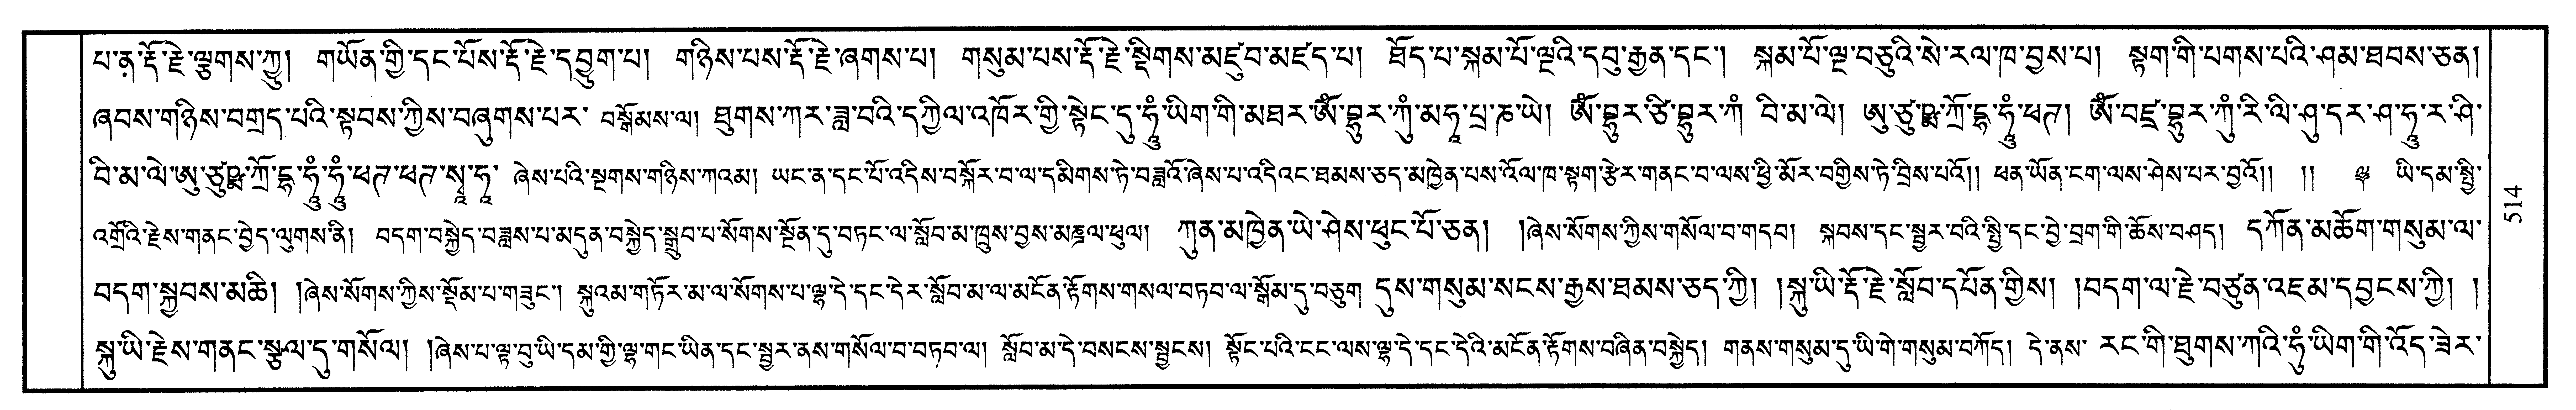པ་ན་རྡོ་རྗེ་ལྕགས་ཀྱུ། གཡོན་གྱི་དང་པོས་རྡོ་རྗེ་དབྱུག་པ། གཉིས་པས་རྡོ་རྗེ་ཞགས་པ། གསུམ་པས་རྡོ་རྗེ་སྡིགས་མཛུབ་མཛད་པ། ཐོད་པ་སྐམ་པོ་ལྔའི་དབུ་རྒྱན་དང་། སྐམ་པོ་ལྔ་བཅུའི་སེ་རལ་ཁ་བྱས་པ། སྟག་གི་པགས་པའི་ཤམ་ཐབས་ཅན།
ཞབས་གཉིས་བགྲད་པའི་སྟབས་ཀྱིས་བཞུགས་པར་བསྒོམས་ལ། ཐུགས་ཀར་ཟླ་བའི་དཀྱིལ་འཁོར་གྱི་སྟེང་དུ་ཧཱུཾ་ཡིག་གི་མཐར་ཨོཾ་བྷུར་ཀུཾ་མཧཱ་པྲ་ཎ་ཡེ། ཨོཾ་བྷུར་ཙི་བྷུར་ཀཾ་བི་མ་ལེ། ཨུ་ཙུ་ཥྨ་ཀྲོ་དྷ་ཧཱུཾ་ཕཊ། ཨོཾ་བཛྲ་བྷུར་ཀུཾ་རི་ལི་ཤུ་དར་ཤ་ཧཱུ་ར་ཤི་
བི་མ་ལེ་ཨུ་ཙུཥྨ་ཀྲོ་དྷ་ཧཱུཾ་ཧཱུཾ་ཕཊ་ཕཊ་སྭཱ་ཧཱ་ཞེས་པའི་སྔགས་གཉིས་ཀའམ། ཡང་ན་དང་པོ་འདིས་བསྐོར་བ་ལ་དམིགས་ཏེ་བཟླའོ་ཞེས་པ་འདིའང་ཐམས་ཅད་མཁྱེན་པས་འོལ་ཁ་སྟག་རྩེར་གནང་བ་ལས་ཕྱི་མོར་བགྱིས་ཏེ་བྲིས་པའོ།། ཕན་ཡོན་ངག་ལས་ཤེས་པར་བྱའོ།། །། ༈ ཡི་དམ་སྤྱི་
འགྲོའི་རྗེས་གནང་བྱེད་ལུགས་ནི། བདག་བསྐྱེད་བཟླས་པ་མདུན་བསྐྱེད་སྒྲུབ་པ་སོགས་སྔོན་དུ་བཏང་ལ་སློབ་མ་ཁྲུས་བྱས་མཎྜལ་ཕུལ། ཀུན་མཁྱེན་ཡེ་ཤེས་ཕུང་པོ་ཅན། །ཞེས་སོགས་ཀྱིས་གསོལ་བ་གདབ། སྐབས་དང་སྦྱར་བའི་སྤྱི་དང་བྱེ་བྲག་གི་ཆོས་བཤད། དཀོན་མཆོག་གསུམ་ལ་
བདག་སྐྱབས་མཆི། །ཞེས་སོགས་ཀྱིས་སྡོམ་པ་གཟུང་། སྐུའམ་གཏོར་མ་ལ་སོགས་པ་ལྷ་དེ་དང་དེར་སློབ་མ་ལ་མངོན་རྟོགས་གསལ་བཏབ་ལ་སྒོམ་དུ་བཅུག་དུས་གསུམ་སངས་རྒྱས་ཐམས་ཅད་ཀྱི། །སྐུ་ཡི་རྡོ་རྗེ་སློབ་དཔོན་གྱིས། །བདག་ལ་རྗེ་བཙུན་འཇམ་དབྱངས་ཀྱི། །
སྐུ་ཡི་རྗེས་གནང་སྩལ་དུ་གསོལ། །ཞེས་པ་ལྟ་བུ་ཡི་དམ་གྱི་ལྷ་གང་ཡིན་དང་སྦྱར་ནས་གསོལ་བ་བཏབ་ལ། སློབ་མ་དེ་བསངས་སྦྱངས། སྟོང་པའི་ངང་ལས་ལྷ་དེ་དང་དེའི་མངོན་རྟོགས་བཞིན་བསྐྱེད། གནས་གསུམ་དུ་ཡི་གེ་གསུམ་བཀོད། དེ་ནས་རང་གི་ཐུགས་ཀའི་ཧཱུཾ་ཡིག་གི་འོད་ཟེར་